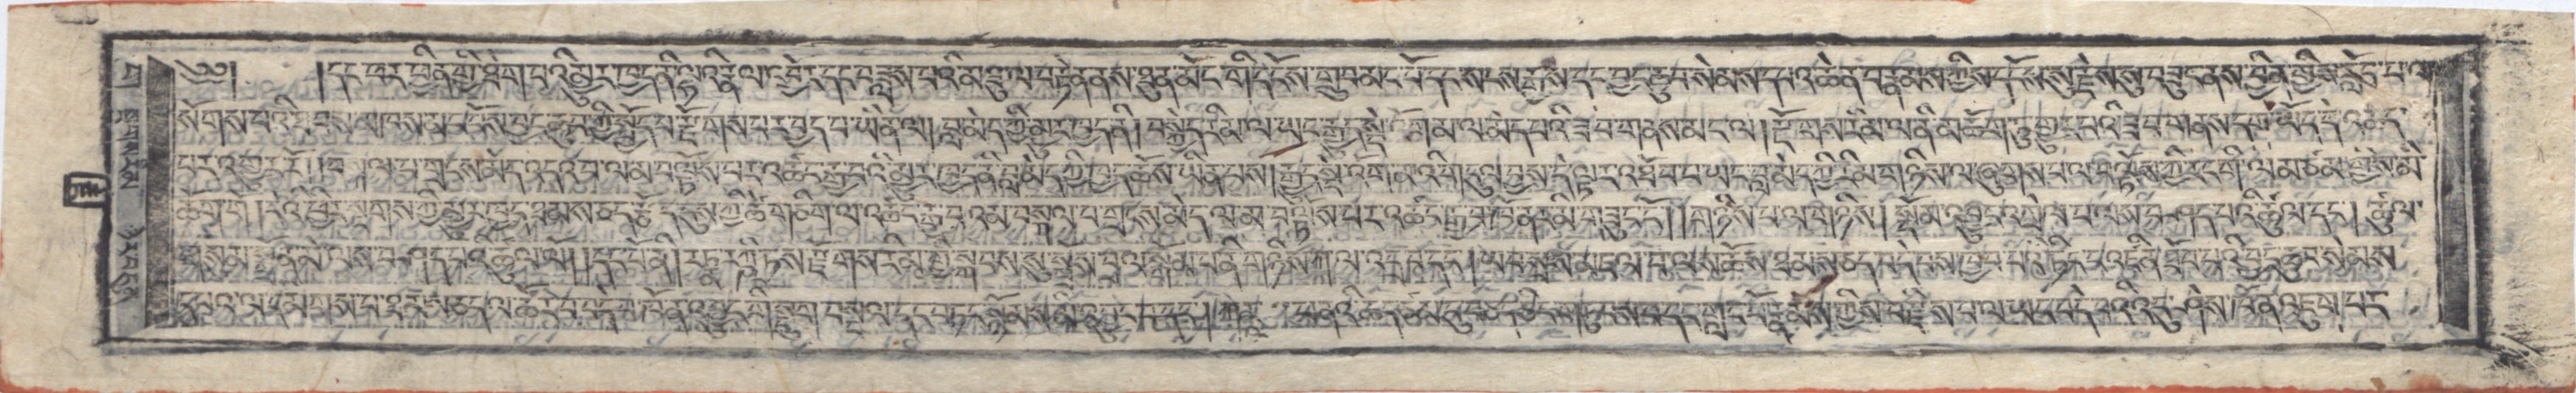༄༅། །དང་ཕར་ཕྱིན་གྱི་ཐེག་པའི་མྱུར་ཁྱད་ནི་ལྷའི་རྣལ་འབྱོར་དང་བཟླས་པའི་མཐུ་ལ་བརྟེན་ནས་ཐུན་མོང་གི་དངོས་གྲུབ་མང་པོ་དང་སངས་རྒྱས་དང་བྱང་ཆུབ་སེམས་དཔའ་ཆེན་པོ་རྣམས་ཀྱིས་དངོས་སུ་རྗེས་སུ་བཟུང་ནས་བྱིན་གྱིས་རློབ་པ་ལ་
སོགས་པའི་ཐབས་མཁས་མང་པོས་བྱང་ཆུབ་ཀྱི་སྤྱོད་པ་རྫོགས་པར་བྱད་པ་ཡིན་ལ། བླ་མེད་ཀྱི་མྱུར་ཁྱད་ནི། བསྐྱེད་རིམ་ལ་ཡང་རྒྱུད་སྡེ་འོག་མ་ལ་མེད་པའི་ཟབ་གནས་མང་ལ། རྫོགས་རིམ་ལ་ནི་མཆོག་ཏུ་གྱུར་པའི་ཟབ་གནས་དག་ཡོད་དེ་འཆད་
པར་འགྱུར་རོ། །བསྐལ་པ་གྲངས་མེད་འདའ་བ་ལ་མ་བལྟོས་པར་འཚང་རྒྱ་བའི་མྱུར་ཁྱད་ནི་བླ་མེད་ཀྱི་ཁྱད་ཆོས་ཡིན་པས། རྒྱུད་སྡེ་འོག་མའི་གདུལ་བྱས་དེ་ལྟར་འཐོབ་པ་ཡང་བླ་མེད་ཀྱི་རིམ་གཉིས་ལ་ཞུགས་པ་ལ་བལྟོས་ཀྱི་རང་གི་ལམ་ཙམ་གྱིས་མི་
ཆོག་གོ །དེའི་ཕྱིར་སྔགས་ཀྱི་མྱུར་ཁྱད་ཐམས་ཅད་རྩོད་ད་དུས་ཀྱི་ཚེ་གཅིག་ལ་འཚང་རྒྱ་བའམ་བསྐལ་པ་གྲངས་མེད་ལ་མ་བལྟོས་པར་འཚང་རྒྱ་བ་ཁོ་ནར་མི་གཟུང་ངོ། །གཉིས་པ་ལ་གཉིས། སྡོམ་འབྱུང་འགྲེལ་པ་ལས་བཤད་པའི་ཚུལ་དང་། ཚུལ་
གསུམ་སྒྲོན་མེ་ལས་བཤད་པའི་ཚུལ་ལོ། །དང་པོ་ནི། རཏྣ་རཀྵི་ཏས་རྫོགས་རིམ་གྱི་སྐབས་སུ་སྤྲོས་བྲལ་སྒོམ་པ་ནི་གཉིས་ཀ་ལ་འདྲ་བ་དང་། ཡབ་སྲས་མཇལ་བ་ལས་ཆོས་ཐམས་ཅད་བདེ་བས་ཁྱབ་པའི་ཏིང་ངེ་འཛིན་ཐོབ་པའི་བྱང་ཆུབ་སེམས་
དཔའ་ལ་དམིགས་པ་ཐམས་ཅད་ལ་ཚོར་བ་བདེ་བ་ཁོ་ན་འབྱུང་གི་སྡུག་བསྔལ་དང་བཏང་སྙོམས་མི་འབྱུང་བ་དང་། ཀརྵ་པ་ནའི་ཆད་ཙམ་དུ་བཅད་ཅིང་གཏུབས་པ་དང་གླང་པོ་རྣམས་ཀྱིས་བརྫིས་པ་ལ་ཡང་བདེ་བའི་འདུ་ཤེས་ཁོ་ན་འཇུག་པར་